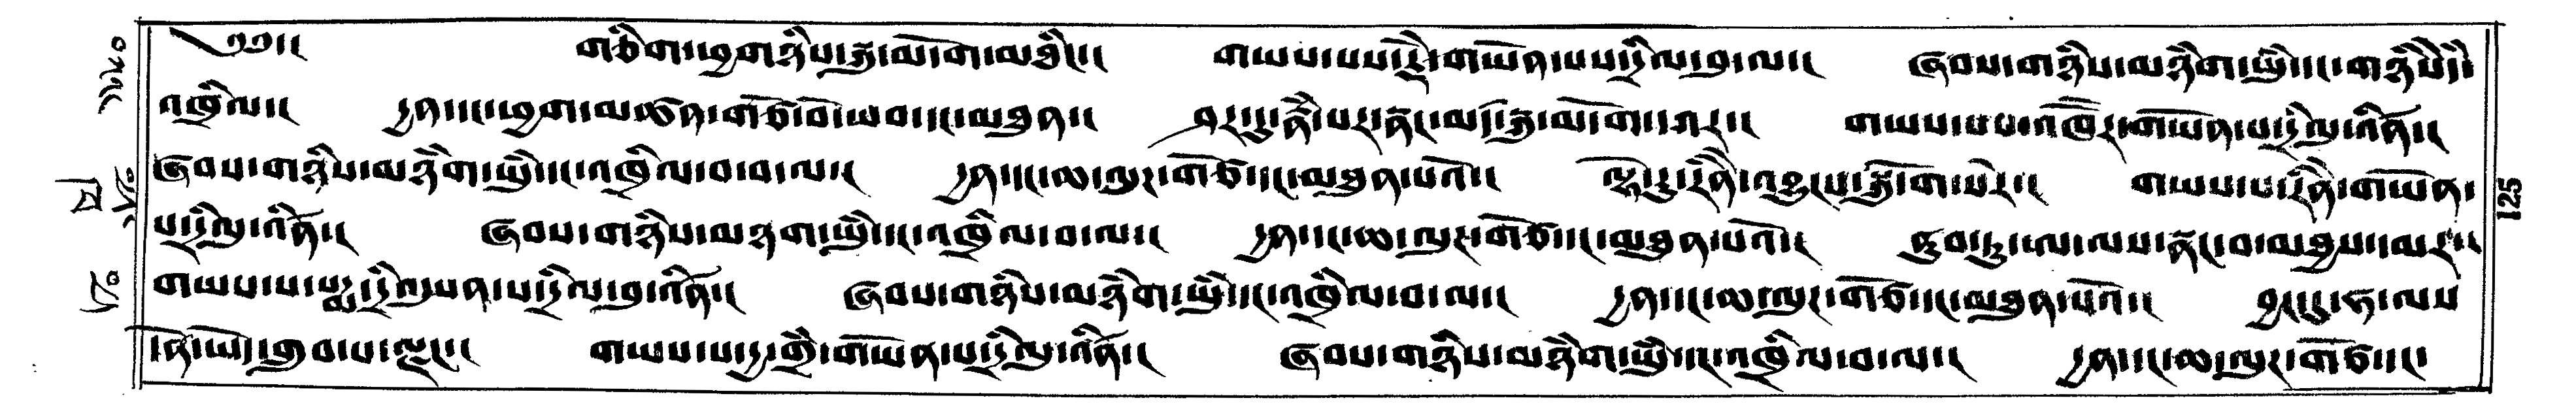གཅིག་ཕྱག་གཉིས་སྐུ་མདོག་མཐིང་། །གཡས་པས་རྡོ་རྗེ་གཡོན་པས་དྲིལ་བུ་ལ། །ཞབས་གཉིས་མཉམ་བཞག་ཡུམ་དང་གཉིས་མེད་
འཁྲིལ། །རྒྱན་དང་ཕྱག་མཚན་གཙོ་བོ་ཡབ་དང་མཐུན། །ཤར་དུ་རྣམ་པར་སྣང་མཛད་སྐུ་མདོག་དཀར། །གཡས་པས་འཁོར་ལོ་གཡོན་པས་དྲིལ་བུ་འཛིན། །
ཞབས་གཉིས་མཉམ་བཞག་ཡུམ་དང་འཁྲིལ་བ་ལ། །རྒྱན་དང་ཆ་ལུགས་གཙོ་དང་མཐུན་པའོ། །ལྷོ་རུ་རིན་ཆེན་འབྱུང་གནས་སྐུ་མདོག་སེར། །གཡས་པས་རིན་ཆེན་གཡོན་
པས་དྲིལ་བུ་འཛིན། །ཞབས་གཉིས་མཉམ་བཞག་ཡུམ་དང་འཁྲིལ་བ་ལ། །རྒྱན་དང་ཆ་ལུགས་གཙོ་དང་མཐུན་པའོ། །ནུབ་ཏུ་ཨ་ལས་སྣང་བ་མཐའ་ཡས་དམར། །
གཡས་པས་པདྨ་གཡོན་པས་དྲིམ་བུ་འཛིན།། ཞབས་གཉིས་མཉམ་བཞག་ཡུམ་དང་འཁྲིལ་བ་ལ། །རྒྱན་དང་ཆ་ལུགས་གཙོ་དང་མཐུན་པའོ། །བྱང་དུ་ཧ་ལས་
དོན་ཡོད་གྲུབ་པ་ལྗང་། །གཡས་པས་རྒྱ་གྲམ་གཡོན་པས་དྲིལ་བུ་འཛིན། །ཞབས་གཉིས་མཉམ་བཞག་ཡུམ་དང་འཁྲིལ་བ་ལ། །རྒྱན་དང་ཆ་ལུགས་གཙོ་དང་